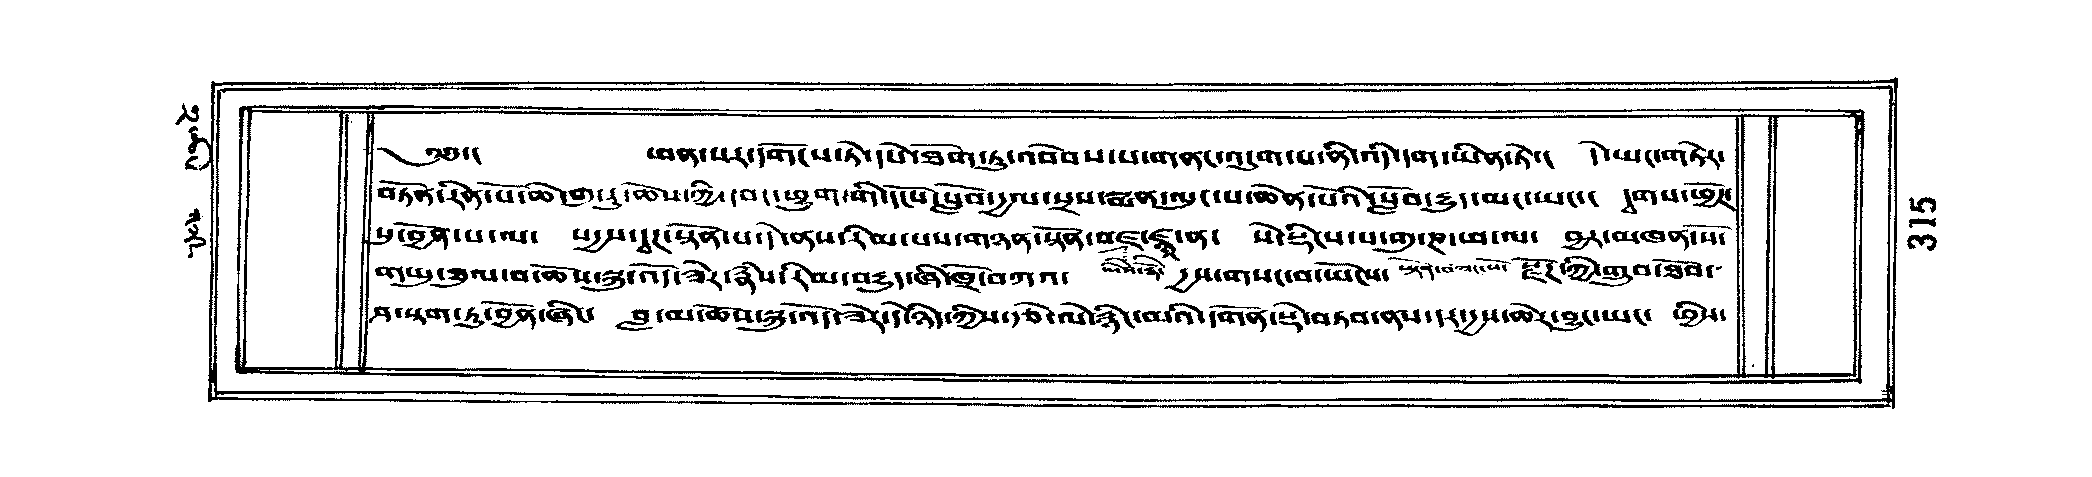ཕན་པར་དགོངས་ཏེ་དཔེ་ཐོག་ཏུ་འབེབས་པ་གནང་འདུག་པ་ནི་འདི་དག་ཡིན་ཏེ། དེ་ཡང་གཏེར་
སྟོན་རིན་པོ་ཆེ་གུ་རུ་ཆོས་ཀྱི་དབང་ཕྱུག་གི་དངོས་སློབ་རྒྱལ་སྲས་སྨན་ལུང་པ་ཆེན་པོའི་སློབ་བརྒྱུད་མང་ཡང་། དྭགས་ཕྱོགས་
སུ་བྱོན་པ་ལ། སངས་རྒྱས་དྭགས་སྟོན་པ་དེ་ནས་རིམ་པས་གཉན་སྟོན་བཛྲ་ཛྙཱ་ན། སེ་སྡིངས་པ་གུ་ཎ་ཕ་ལ། བྱ་ར་མཁན་པོ་
གཡུ་ཐུལ་བ་ཆོས་སྐུ་འོད་ཟེར་རྣམས་རིམ་བརྒྱུད་ཞི་ཁྲོ་བཀའ་རྒྱད་གསང་བ་ཡོངས་རྫོགས་ཀྱི་གྲུབ་ཐོབ་
ཤ་སྟག་ཏུ་བྱོན་ཞིང་། བླ་མ་ཆོས་སྐུ་འོད་ཟེར་དེ་ཉིད་ཀྱིས་རྩེ་ལེ་རྙིང་མའི་དགོན་སྡེ་བཏབ་ནས་དར་རྒྱས་ཆེར་བྱུང་ཡང་། ཕྱིས་